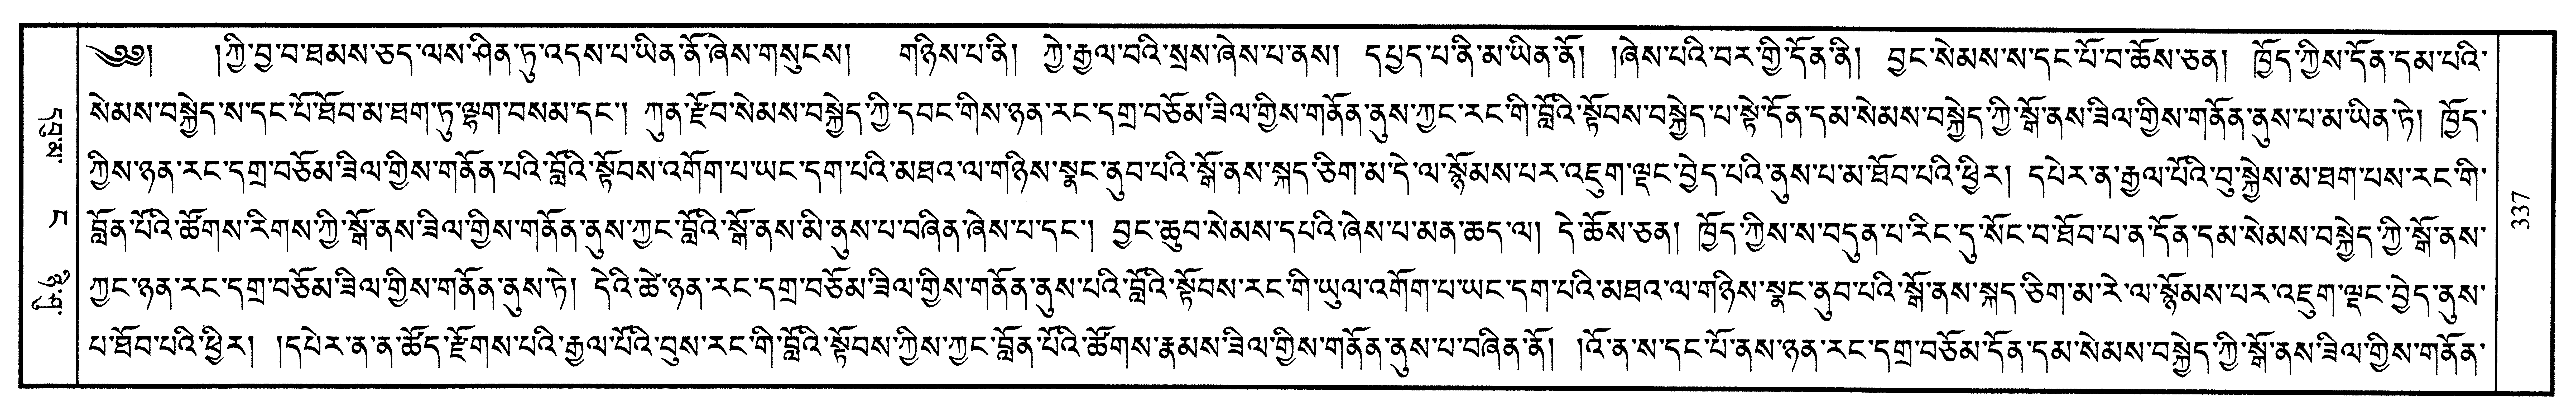༄༅། །ཀྱི་བྱ་བ་ཐམས་ཅད་ལས་ཤིན་ཏུ་འདས་པ་ཡིན་ནོ་ཞེས་གསུངས། གཉིས་པ་ནི། ཀྱེ་རྒྱལ་བའི་སྲས་ཞེས་པ་ནས། དཔྱད་པ་ནི་མ་ཡིན་ནོ། །ཞེས་པའི་བར་གྱི་དོན་ནི། བྱང་སེམས་ས་དང་པོ་བ་ཆོས་ཅན། ཁྱོད་ཀྱིས་དོན་དམ་པའི་
སེམས་བསྐྱེད་ས་དང་པོ་ཐོབ་མ་ཐག་ཏུ་ལྷག་བསམ་དང་། ཀུན་རྫོབ་སེམས་བསྐྱེད་ཀྱི་དབང་གིས་ཉན་རང་དགྲ་བཅོམ་ཟིལ་གྱིས་གནོན་ནུས་ཀྱང་རང་གི་བློའི་སྟོབས་བསྐྱེད་པ་སྟེ་དོན་དམ་སེམས་བསྐྱེད་ཀྱི་སྒོ་ནས་ཟིལ་གྱིས་གནོན་ནུས་པ་མ་ཡིན་ཏེ། ཁྱོད་
ཀྱིས་ཉན་རང་དགྲ་བཅོམ་ཟིལ་གྱིས་གནོན་པའི་བློའི་སྟོབས་འགོག་པ་ཡང་དག་པའི་མཐའ་ལ་གཉིས་སྣང་ནུབ་པའི་སྒོ་ནས་སྐད་ཅིག་མ་དེ་ལ་སྙོམས་པར་འཇུག་ལྡང་བྱེད་པའི་ནུས་པ་མ་ཐོབ་པའི་ཕྱིར། དཔེར་ན་རྒྱལ་པོའི་བུ་སྐྱེས་མ་ཐག་པས་རང་གི་
བློན་པོའི་ཚོགས་རིགས་ཀྱི་སྒོ་ནས་ཟིལ་གྱིས་གནོན་ནུས་ཀྱང་བློའི་སྒོ་ནས་མི་ནུས་པ་བཞིན་ཞེས་པ་དང་། བྱང་ཆུབ་སེམས་དཔའི་ཞེས་པ་མན་ཆད་ལ། དེ་ཆོས་ཅན། ཁྱོད་ཀྱིས་ས་བདུན་པ་རིང་དུ་སོང་བ་ཐོབ་པ་ན་དོན་དམ་སེམས་བསྐྱེད་ཀྱི་སྒོ་ནས་
ཀྱང་ཉན་རང་དགྲ་བཅོམ་ཟིལ་གྱིས་གནོན་ནུས་ཏེ། དེའི་ཚེ་ཉན་རང་དགྲ་བཅོམ་ཟིལ་གྱིས་གནོན་ནུས་པའི་བློའི་སྟོབས་རང་གི་ཡུལ་འགོག་པ་ཡང་དག་པའི་མཐའ་ལ་གཉིས་སྣང་ནུབ་པའི་སྒོ་ནས་སྐད་ཅིག་མ་རེ་ལ་སྙོམས་པར་འཇུག་ལྡང་བྱེད་ནུས་
པ་ཐོབ་པའི་ཕྱིར། །དཔེར་ན་ན་ཚོད་རྫོགས་པའི་རྒྱལ་པོའི་བུས་རང་གི་བློའི་སྟོབས་ཀྱིས་ཀྱང་བློན་པོའི་ཚོགས་རྣམས་ཟིལ་གྱིས་གནོན་ནུས་པ་བཞིན་ནོ། །འོ་ན་ས་དང་པོ་ནས་ཉན་རང་དགྲ་བཅོམ་དོན་དམ་སེམས་བསྐྱེད་ཀྱི་སྒོ་ནས་ཟིལ་གྱིས་གནོན་